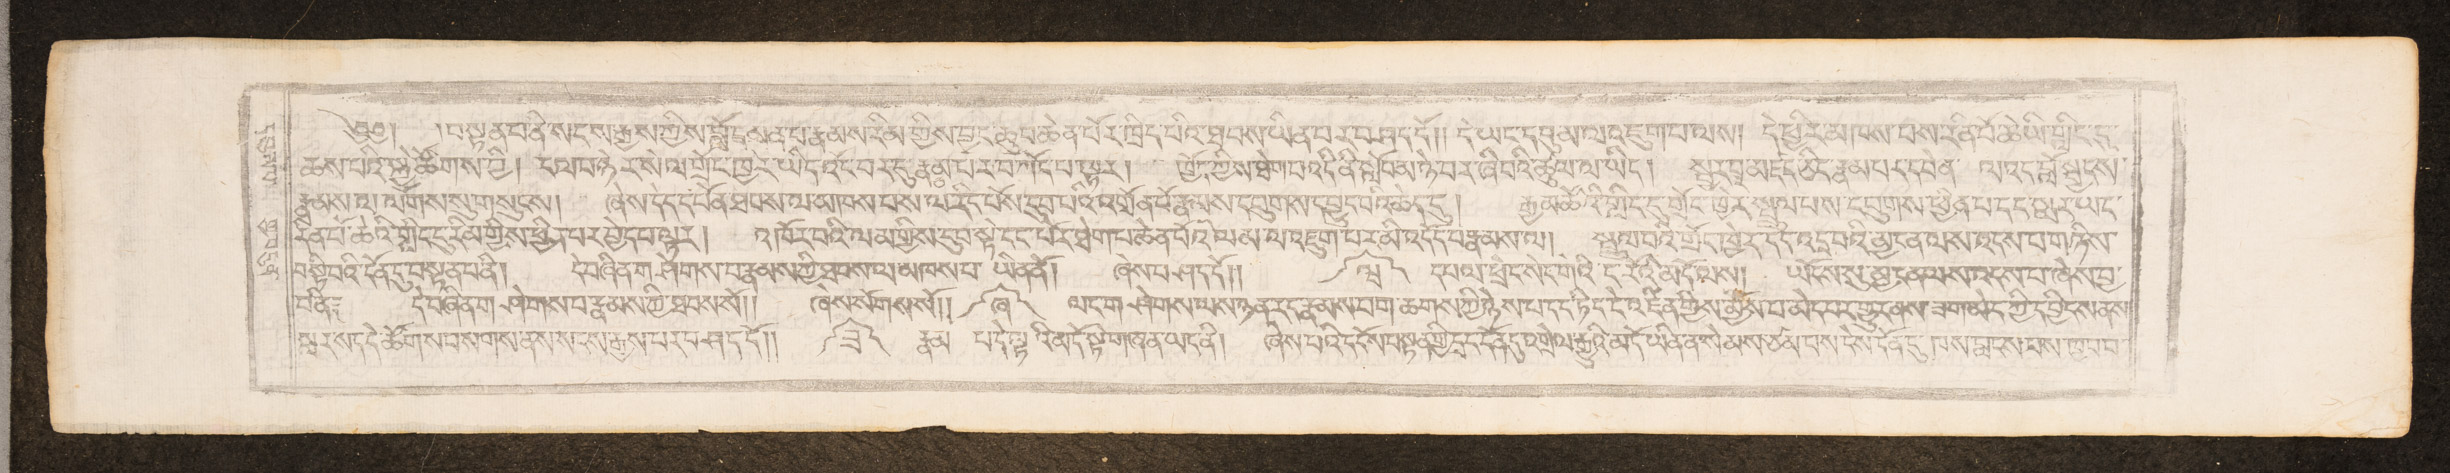༄༅། །བསྟན་པ་ནི་སངས་རྒྱས་ཀྱིས་བློ་དམན་པ་རྣམས་རིམ་གྱིས་བྱང་ཆུབ་ཆེན་པོར་ཁྲིད་པའི་ཐབས་ཡིན་པར་བཤད་དོ།། དེ་ཡང་དབུ་མ་ལ་འཇུག་པ་ལས། དེ་ཕྱིར་མཁས་པས་རིན་པོ་ཆེ་ཡི་གླིང་དུ་
ཆས་པའི་སྐྱེ་ཚོགས་ཀྱི། དལ་བ་ཉེར་སེལ་གྲོང་ཁྱེར་ཡིད་འོང་བར་དུ་རྣམ་པར་བཀོད་པ་ལྟར། ཁྱོད་ཀྱིས་ཐེག་པ་འདི་ནི་སློབ་མ་ཉེ་བར་ཞི་བའི་ཚུལ་ལ་ཡིད། སྦྱར་བ་མཛད་ཅིང་རྣམ་པར་དབེན་ལའང་བློ་སྦྱངས་
རྣམས་ལ་ལོགས་སུ་གསུངས། ཞེས་དེང་དཔོན་ཐབས་ལ་མཁས་པས་ལ་རིང་པོས་དུབ་པའི་འགྲོན་པོ་རྣམས་དབུགས་དབྱུང་བའི་ཆེད་དུ། རྒྱ་མཚོའི་གླིང་དུ་གྲོང་ཁྱེར་སྤྲུལ་བས་དབུགས་ཕྱིན་པ་དང་སླར་ཡང་
རིན་པོ་ཆེའི་གླིང་དུ་རིམ་གྱིས་ཕྱིན་པར་བྱེད་པར་ལྟར། འཁོར་བའི་ལམ་གྱིས་དུབ་སྟེ་དང་པོར་ཐེག་པ་ཆེན་པོའི་ལམ་ལ་འཇུག་པར་མི་འདོད་པ་རྣམས་ལ། སྦྲུལ་པའི་གྲོང་ཁྱེར་དང་འདྲ་བའི་མྱ་ངན་ལས་འདས་པ་གཉིས་
བསྟི་བའི་དོན་དུ་བསྟན་པ་ནི། དེ་བཞིན་གཤེགས་པ་རྣམས་ཀྱི་ཐབས་ལ་མཁས་པ་ཡིན་ནོ། ཞེས་བཤད་དོ།། ༼༽ཝ༼༽ དཔལ་ཕྲེང་སེང་གེའི་ད་རོའི་མདོ་ལས། ཡོངས་སུ་མྱ་ངན་ལས་འདས་པ་ཞེས་བྱ་
བ་ནི༑ དེ་བཞིན་གཤེགས་པ་རྣམས་ཀྱི་ཐབས་སོ།། ཞེས་སོགས་སོ།། ༼༽ཞ༼༽ ལང་གཤེགས་ལས་ཉན་རང་རྣམས་བག་ཆགས་ཀྱི་ཉེས་པ་དང་ཏིང་ངེ་འཛིན་གྱིས་མྱོས་པ་མེད་པར་གྱུར་ནས་ཟག་མེད་ཀྱི་དབྱིངས་ནས་
སླར་སད་དེ་ཚོགས་བསགས་ནས་སངས་རྒྱས་པར་བཤད་དོ།། ༼༽ཟ༼༽ རྣམ་པ་དེ་ལྟའི་མདོ་སྟེ་གཞན་ཡང་ནི། ཞེས་པའི་དངོས་བསྟན་གྱི་དྲང་དོན་དུ་འགྲེལ་རྒྱུའི་མདོ་ཡིན་ན་སེམས་ཙམ་པས་དེས་དོན་དུ་ཁས་བླངས་པས་ཁྱབ་པ་